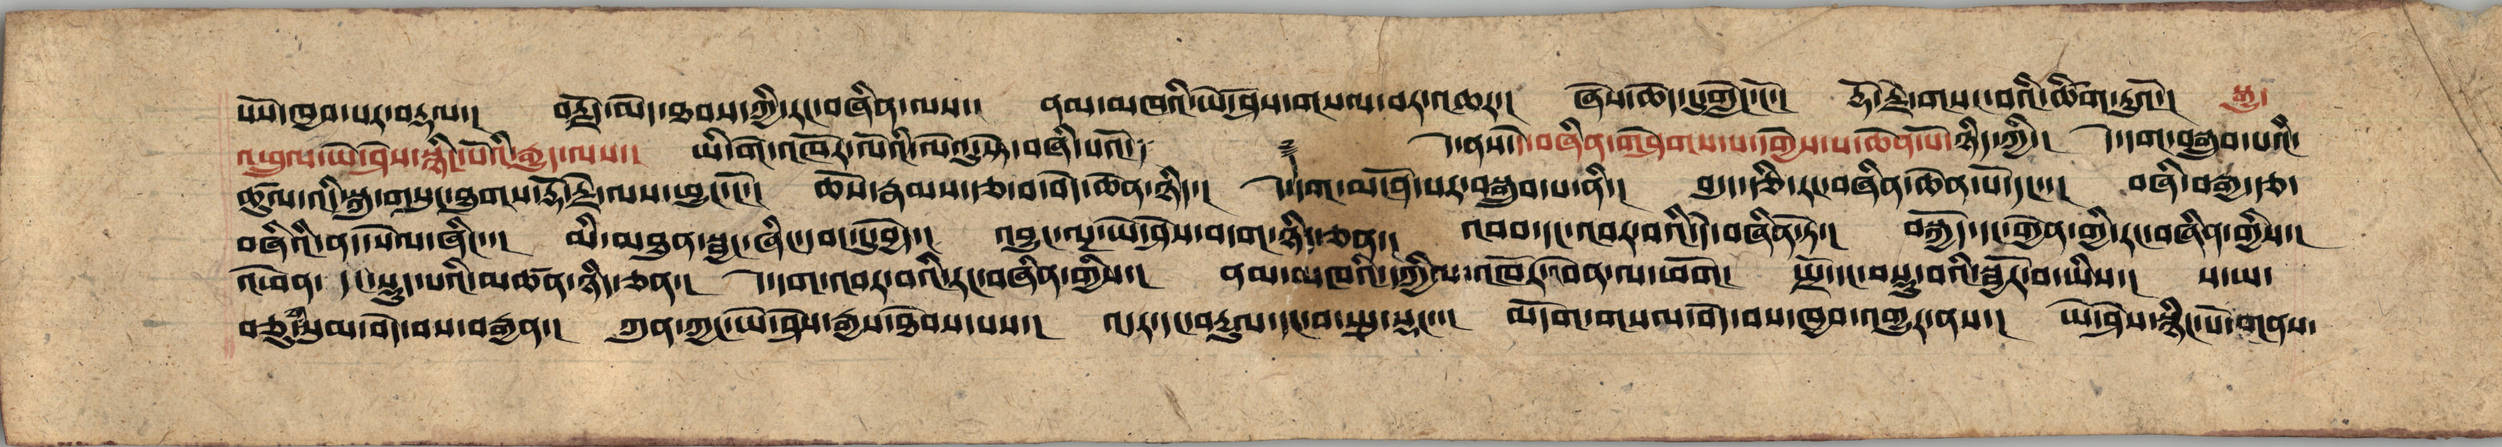པོས་ཁྱབ་པར་བརྡལ་། བརྗོད་མེད་ཐབས་ཀྱི་རང་བཞིན་ལས་། ནམ་མཁའི་ཡེ་ཤེས་གསལ་བར་འཆར་། ཞེས་ཆེད་དུ་གླེང་ངོ་། རྡོ་རྗེ་གསང་བའི་ཚིག་ཏུའོ་། སྒྱུ་
འཕྲུལ་ཡེ་ཤེས་སྙིང་པོའི་རྒྱུད་ལས་། ཡི་གེ་འཁོར་ལོའི་ལེའུ་སྟེ་བཞི་པའོ་༑ ࿑ དེ་ནས་དེ་བཞིན་གཤེགས་པ་དགྱེས་པ་ཆེན་པོ་ཉིད་ཀྱི་། དེ་དག་བསྒྲུབ་པའི་
ཚུལ་འདི་སྐུ་གསུང་ཐུགས་རྡོ་རྗེ་ལས་ཕྱུང་ངོ་། ཆོས་རྣམས་རྩ་བ་བདེ་ཆེན་ཉིད་། དེ་དག་མངོན་པར་བསྒྲུབ་པ་ནི་། བདུད་རྩི་རང་བཞིན་ཆེན་པོ་དང་་། བཞི་བརྒྱ་རྩ་
བཞིའི་ནད་སེལ་ཞིང་་། མི་མཐུན་སྦྱང་ཞིང་དབང་དུ་བྱེད་། འབྱུང་ལྔ་ཡེ་ཤེས་བདག་ཉིད་ཅན་། འབབ་དང་འབར་བའི་དེ་བཞིན་ཏེ་། བསྐྱོད་དང་གྱེན་གྱི་རང་བཞིན་གྱིས་།
འཕེན་ དང་སྡུད་པའི་མཚན་ཉིད་ཅན་། དེ་དག་འབར་བའི་རང་བཞིན་གྱིས་། ནམ་མཁའི་དཀྱིལ་འཁོར་འབེན་ལ་ཕོག། སྤྲོ་དང་བསྡུ་བའི་སྦྱོར་བ་ཡིས་། ས་ཡ་
བཅུ་གསུམ་བདེ་བས་བརྒྱན་། ཀུན་ཀྱང་ཡེ་ཤེས་རྒྱས་ཐེབས་པས་། ལར་དང་བརྔུལ་དང་བ་སྤུ་སྡང་་། མདོག་གསལ་བདེ་བས་ཁྱབ་འགྱུར་ནས་། ཡེ་ཤེས་སྙིང་པོ་གནས་